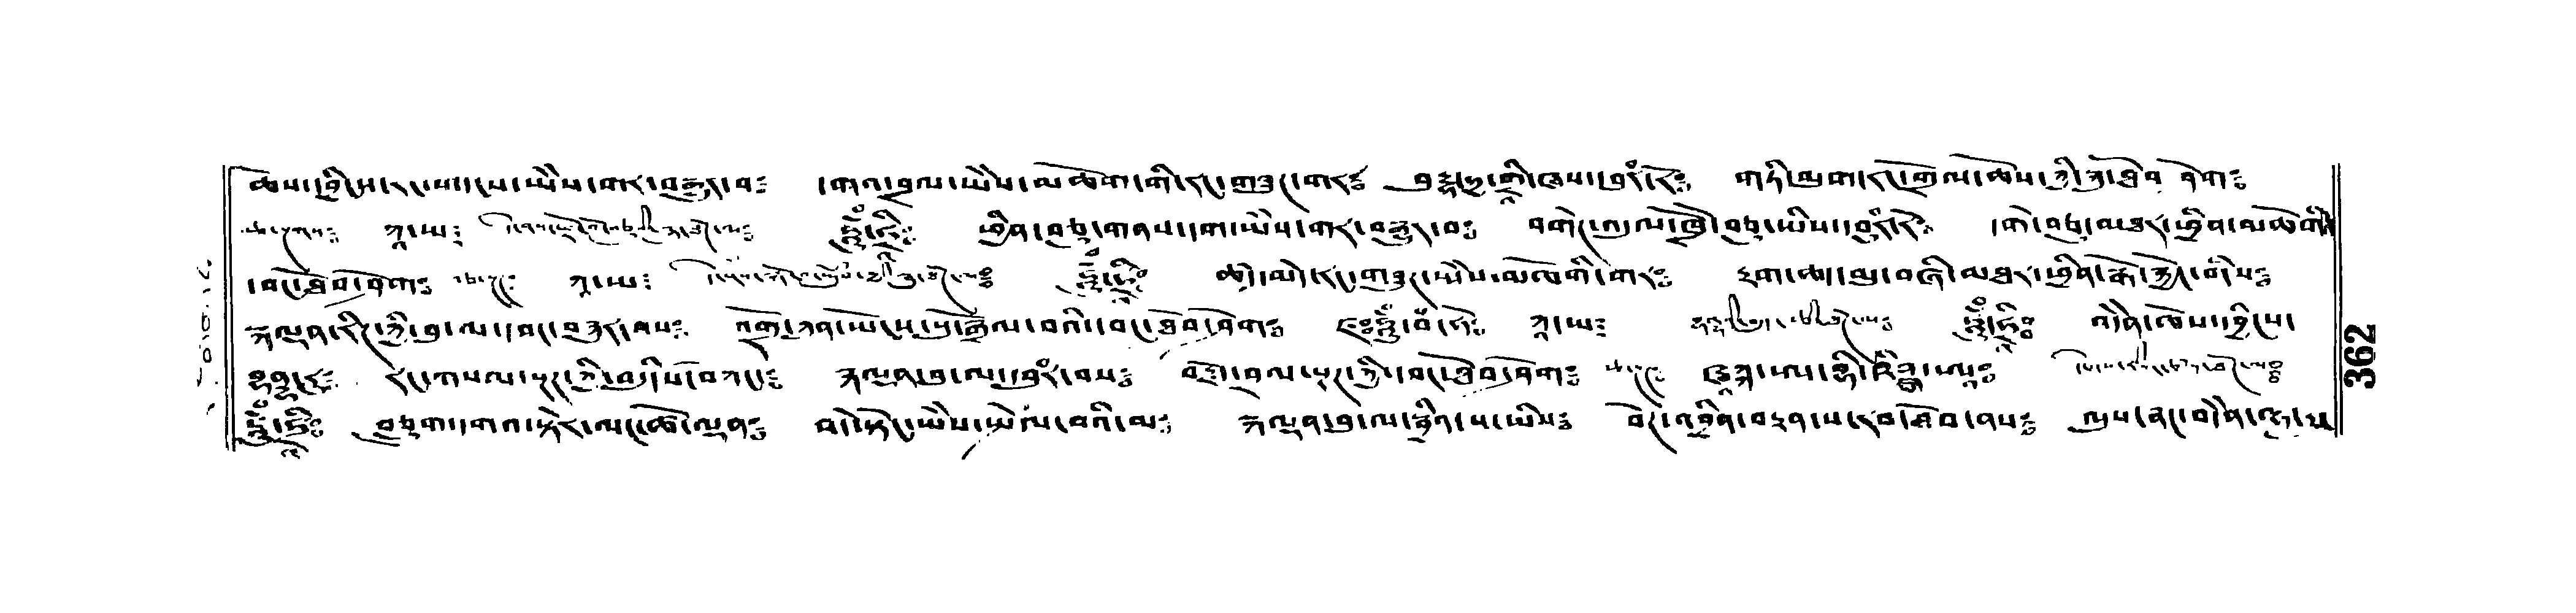ཆོས་དབྱིངས་རང་གདངས་ཡེ་ཤེས་གར་བསྒྱུར་བ༔ དགའ་བྲལ་ཡེ་ཤེས་མཆོག་གི་རང་གཟུགས་གར༔ བུདྡྷ་ཧྱ་གྲཱི་ཝས་དབང་བསྐུར་རོ༔ གཏི་མུག་རང་གྲོལ་ཆོས་ཀྱི་སྐུ་འཐོབ་ཤོག༔ 
རྩ་སྔགས༔ ཀཱ་ཡ༴ དེ་ནས་ཁྲོ་བོ་བཅུའི་སྐུ་ཐོགས་ལ༔ ཧཱུྃ་ཧྲཱིཿ ཕྱིན་བཅུ་གནས་དག་ཡེ་ཤེས་གར་བསྒྱུར་བ༔ བགེགས་འདུལ་ཁྲོ་བོ་བཅུ་ཡིས་དབང་བསྐུར་རོ༔ དགེ་བཅུ་མཐར་ཕྱིན་མཆོག་གི་
དབང་ཐོབ་ཤོག༔ རྩ་སྔགས༔ ཀཱ་ཡ༴ དེ་ནས་སྒོ་བ་ཡབ་ཡུམ་གྱི་སྐུ་ཐོགས་ལ༔ ཧཱུྃ་ཧྲཱིཿ ཚད་མེད་རང་གཟུགས་ཡེ་ཤེས་མཆོག་གི་གར༔ རྟག་ཆད་མུ་བཞི་མཐར་ཕྱིན་སྒོ་སྐྱོང་གིས༔ 
སྐལ་ལྡན་རིགས་ཀྱི་བུ་ལ་དབང་བསྐུར་བས༔ འགྲོ་ཀུན་ཡོངས་སུ་སྒྲོལ་བའི་དབང་ཐོབ་ཤོག༔ ཛཿཧཱུྃ་བཾ་ཧོཿ ཀཱ་ཡ༴ བྷནྡྷའི་བདུད་རྩི་ཐོགས་ལ༔ ཧཱུྃ་ཧྲཱིཿ བདེ་ཆེན་ཆོས་དབྱིངས་
བྷནྡྷ་རུ༔ རང་གསལ་སྔགས་ཀྱི་བདུད་རྩིས་བཀང༔ སྐལ་ལྡན་བུ་ལ་དབང་བསྐུར་བས༔ བརྗོད་བྲལ་སྔགས་ཀྱི་དབང་ཐོབ་ཤོག༔ རྩ་སྔགས༔ ཝཀྐ་ཨ་བྷི་རིཉྩ་ཨཱཿ དེ་ནས་རིག་ཙཀ་ཐོགས་ལ༔ ༔
ཧཱུྃ་ཧྲཱིཿ བཅུ་དྲུག་དགའ་སྟེར་ལང་ཚོ་ལྡན༔ བདེ་སྟོང་ཡེ་ཤེས་སྤེལ་བའི་མ༔ སྐལ་ལྡན་བུ་ལ་སྦྱིན་པ་ཡིས༔ བོགས་འབྱིན་བརྟན་པ་རབ་ཐོབ་ནས༔ ལུས་སྣང་བདེ་ཆེན་ལྷ་རུ་